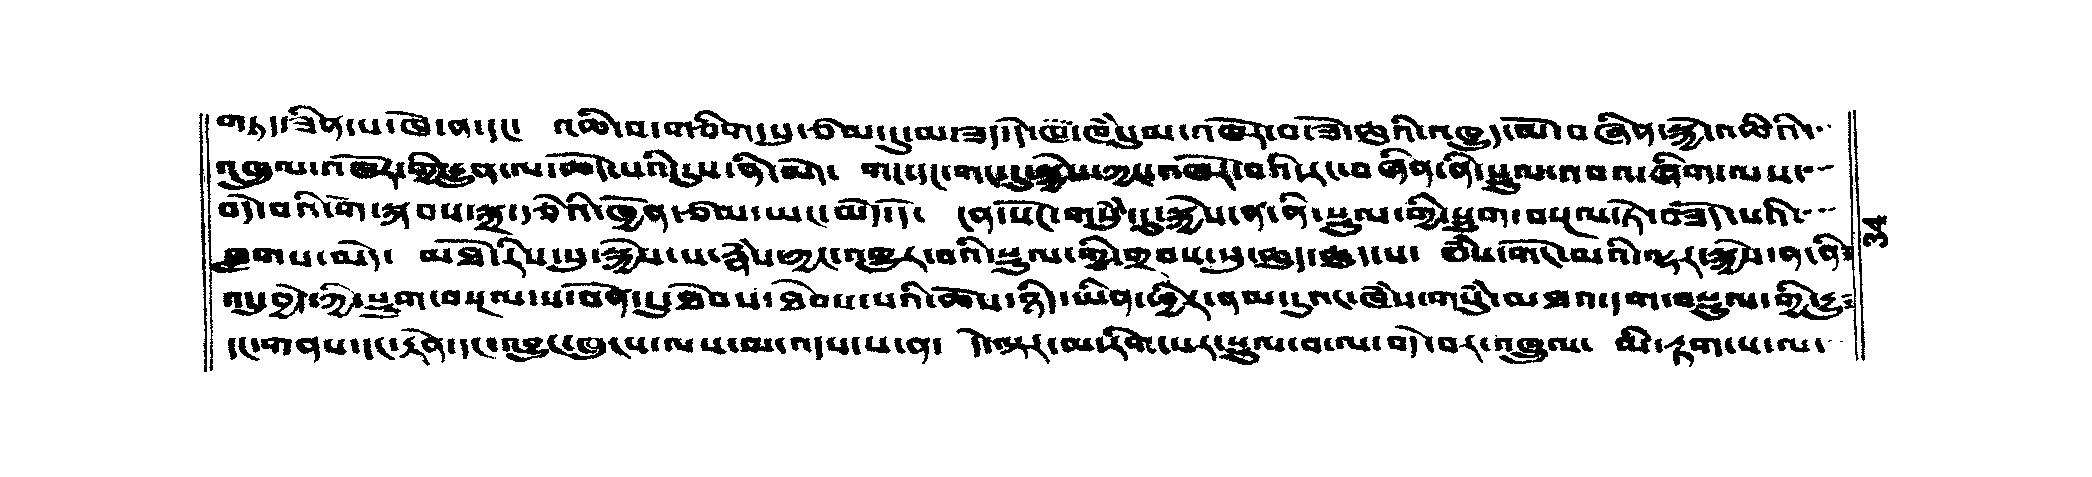གཏད་ཟིན་པ་ཁོ་ན་དང་། འཆི་བ་གཅིག་པུ་ཙམ་དུ་མ་ཟད་དེ་ཁམས་སུམ་འཁོར་བ་ཟོ་ཆུའི་འཁྱུད་མོ་བཞིན་སྐྱེ་འཆིའི་
འཁྲུལ་འཁོར་གྱི་རྒྱུན་ལ་ཆོད་པའི་དུས་ནི་མེད། གང་དང་གང་དུ་སྐྱེས་ཀྱང་འཁོར་བའི་རང་བཞིན་ནི་སྡུག་བསྔལ་འབའ་ཞིག་ལས་
བདེ་བའི་གོ་སྐབས་སྐྲ་རྩེའི་ཁྱོན་ཙམ་ཡང་མེད་དོ། ངན་སོང་གསུམ་དུ་སྐྱེས་ན་ནི་སྡུག་བསྔལ་ཏེ་བཟོད་པའི་
བླགས་མེད། མཐོ་རུས་སུ་སྐྱེས་པ་རྣམས་ཀྱང་འགྱུར་བའི་སྡུག་བསྔལ་གྱི་གྲབས་སུ་ཆུད་ཆུད་པ། ཁམས་གོང་མའི་ལྷར་སྐྱེས་ན་ནི་
འདུ་བྱེད་ཀྱི་སྡུག་བསྔལ་ས་བོན་དུ་ཐེབས་ཐེབས་པའི་ཆོས་ཉིད་ཡིན་ཕྱིར་ནམ་དུའང་ཁམས་གསུམ་མཐའ་དག་བསྡུལ་གྱི་རྒྱུ་
དང་གནས་དང་རྟེན་དང་འབྱུང་ཁུངས་ལས་མ་འདས་པ་ན། དེ་ལྟར་མི་རིག་པར་སྡུག་བསྔལ་བ་ལ་བདེ་བར་འཁྲུལ། མི་རྟག་པ་ལ་